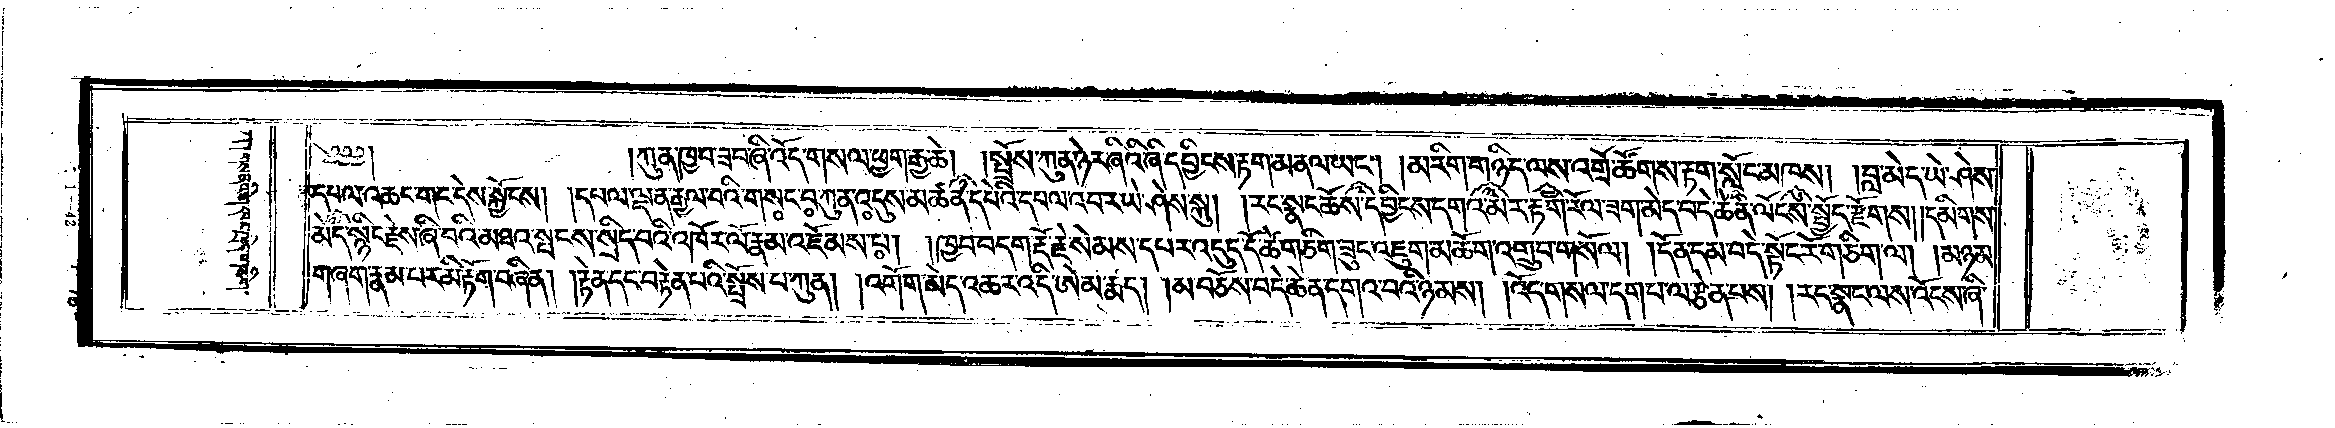༄༅༅། །ཀུན་ཁྱབ་ཟབ་ཞི་འོད་གསལ་ཕྱག་རྒྱ་ཆེ། །སྤྲོས་ཀུན་ཉེར་ཞིའི་ཞི་དབྱིངས་རྟག་མནལ་ཡང་། །མ་རིག་གཉིད་ལས་འགྲོ་ཚོགས་རྟག་སློང་མཁས། །བླ་མེད་ཡེ་ཤེས་
དཔལ་འཆང་གང་དེས་སྐྱོངས། །དཔལ་ལྡན་རྒྱལ་བའི་གསང྾་བ྾་ཀུན་འདུས྾་མཚན་དཔེའི་དཔལ་འབར་ཡེ་ཤེས་སྐུ། །རང་སྣང་ཆོས་དབྱིངས་དགའ་མར་རྟག་རོལ་ཟག་མེད་བདེ་ཆེན་ལོངས་སྤྱོད་རྫོགས། །དམིགས་
མེད་སྙིང་རྗེས་ཞི་བའི་མཐའ་སྤངས་སྲིད་བའི་འཁོར་ལོ་རྣམ་འཇོམས་པ྾། །ཁྱབ་བདག་རྡོ་རྗེ་སེམས་དཔར་འདུད་དོ་ཚེ་གཅིག་ཟུང་འཇུག་མཆོག་འགྲུབ་གསོལ། །དོན་དམ་བདེ་སྟོང་རོ་གཅིག་ལ། །མཉམ་
གཞག་རྣམ་པར་མི་རྟོག་བཞིན། །རྟེན་དང་བརྟེན་པའི་སྤྲོས་པ་ཀུན། །འགོག་མེད་འཆར་འདི་ཨེ་མ་རྨད། །མ་བཅོས་བདེ་ཆེན་དགའ་བའི་ཉམས། །འོད་གསལ་དག་པ་ལ་རྩེན་པས། །རང་སྣང་ལས་འོངས་ཞི་